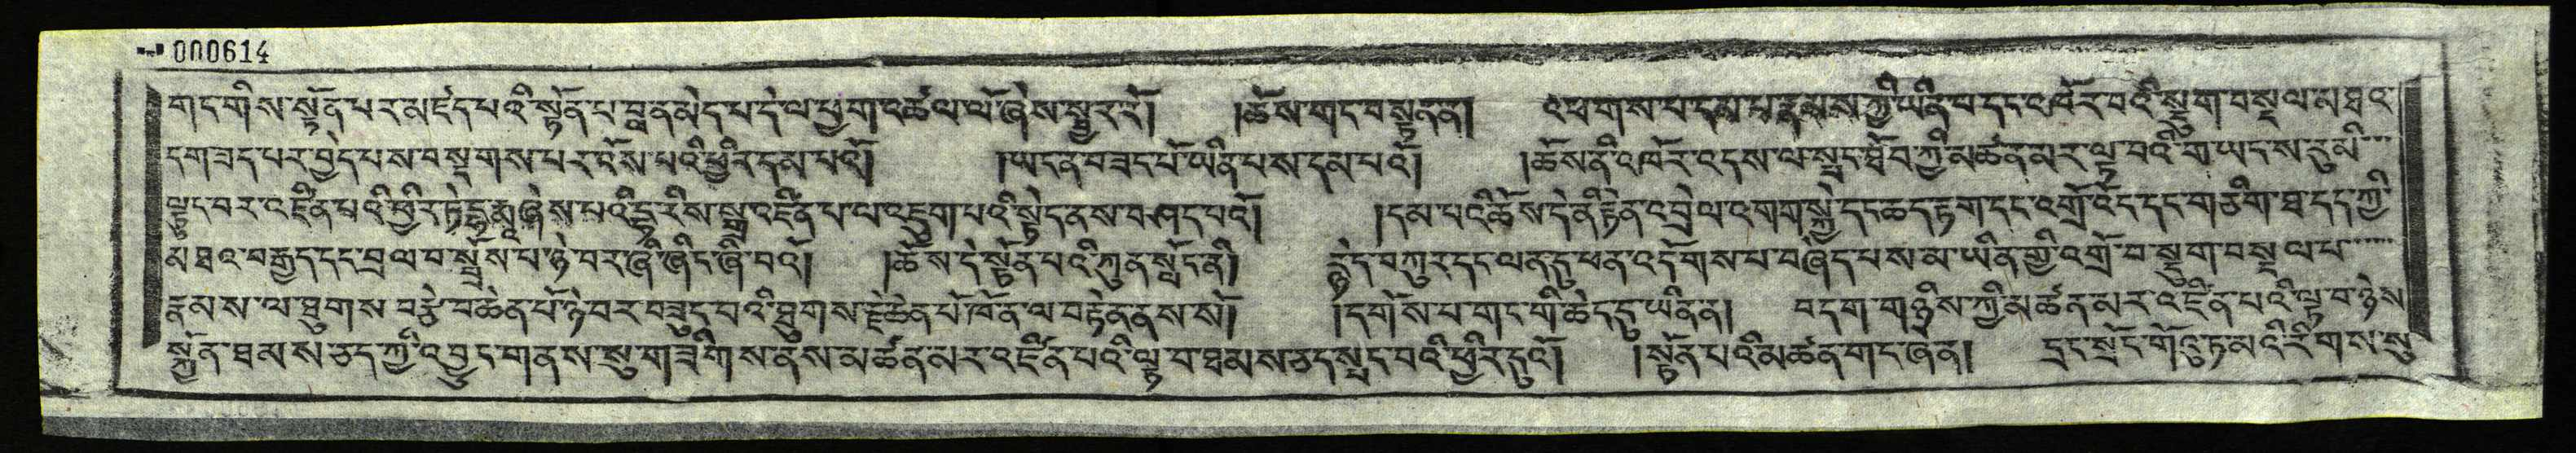གང་གིས་སྟོན་པར་མཛད་པའི་སྟོན་པ་བླ་ན་མེད་པ་དེ་ལ་ཕྱག་འཚལ་ལོ་ཞེས་སྦྱར་རོ། །ཆོས་གང་བསྟན་ན། འཕགས་པ་དམ་པ་རྣམས་ཀྱི་ཡིན་པ་དང་འཁོར་བའི་སྡུག་བསྔལ་མཐའ་
དག་ཟད་པར་བྱེད་པས་བསྔགས་པར་འོས་པའི་ཕྱིར་དམ་པའོ། །ཡང་ན་བཟང་པོ་ཡིན་པར་དམ་པའོ། །ཆོས་ནི་འཁོར་འདས་ལ་སྤང་ཐོབ་ཀྱི་མཚན་མར་ལྟ་བའི་གཡང་ས་རུ་མི་
ལྟུང་བར་འཛིན་པའི་ཕྱིར་ཏེ་དྷ་རྨཱ་ཞེས་པའི་དྷ་རིས་སྒྲ་འཛིན་པ་ལ་འཇུག་པའི་སྟེང་ནས་བཤད་པའོ། །དམ་པའི་ཆོས་དེ་ནི་རྟེན་འབྲེལ་འགག་སྐྱེ་དང་ཆད་རྟག་དང་འགྲོ་འོང་དང་གཅིག་ཐ་དད་ཀྱི་
མཐའ་བརྒྱད་དང་བྲལ་བ་སྤྲོས་པ་ཉེ་བར་ཞི་ཞིང་ཞི་བའོ། །ཆོས་དེ་སྟོན་པའི་ཀུན་སྤོང་ནི། རྙེད་བཀུར་དང་ལན་དུ་ཕན་འདོགས་པ་བཞེད་པས་མ་ཡིན་གྱི་འགྲོ་བ་སྡུག་བསྔལ་པ་
རྣམས་ལ་ཐུགས་བརྩེ་བ་ཆེན་པོ་ཉེ་བར་བཟུང་བའི་ཐུགས་རྗེ་ཆེན་པོ་ཁོ་ན་ལ་བརྟེན་ནས་སོ། །དགོས་པ་གང་གི་ཆེད་དུ་ཡིན་ན། བདག་གཉིས་ཀྱི་མཚན་མར་འཛིན་པའི་ལྟ་བ་ཉེས་
སྐྱོན་ཐམས་ཅད་ཀྱི་འབྱུང་གནས་སུ་གཟིགས་ནས་མཚན་མར་འཛིན་པའི་ལྟ་བ་ཐམས་ཅད་སྤང་བའི་ཕྱིར་དུའོ། །སྟོན་པའི་མཚན་གང་ཞེ་ན། དྲང་སྲོང་གོའུ་ཏ་མའི་རིགས་སུ་